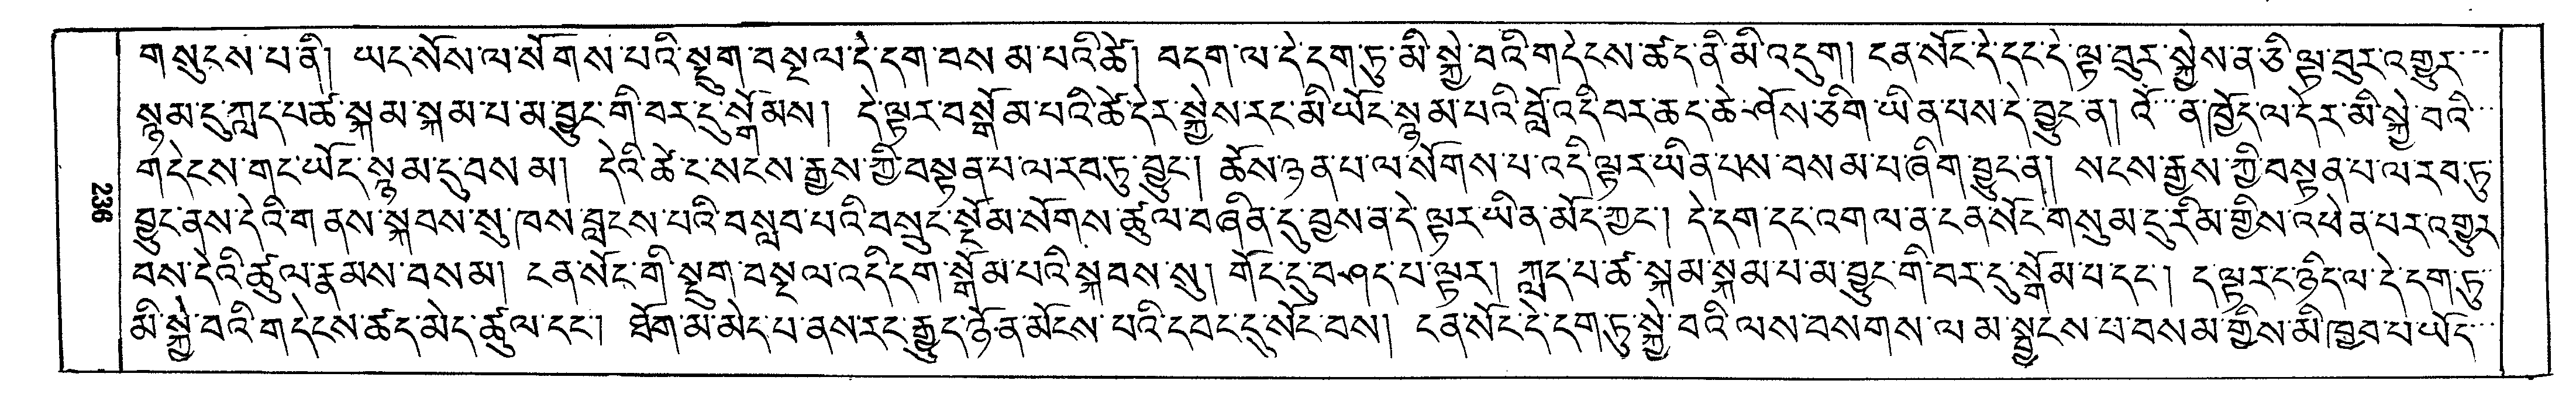གསུངས་པ་ནི། ཡང་སོས་ལ་སོགས་པའི་སྡུག་བསྔལ་དེ་དག་བསམ་པའི་ཚེ། བདག་ལ་དེ་དག་ཏུ་མི་སྐྱེ་བའི་གདེངས་ཚད་ནི་མི་འདུག། ངན་སོང་དེ་དང་དེ་ལྟ་བུར་སྐྱེས་ན་ཅི་ལྟ་བུར་འགྱུར་
སྙམ་དུ་ཀླང་པ་ཚ་སྐམ་སྐམ་པ་མ་བྱུང་གི་བར་དུ་སྒོམས། དེ་ལྟར་བསྒོམ་པའི་ཚེ་དེར་སྐྱེས་རང་མི་ཡོང་སྙམ་པའི་བློ་འདི་བར་ཆད་ཆེ་ཤོས་ཅིག་ཡིན་པས་དེ་བྱུང་ན། འོ་ན་ཁྱོད་ལ་དེར་མི་སྐྱེ་བའི་
གདེངས་གང་ཡོད་སྙམ་དུ་བསམ། དེའི་ཚེ་ང་སངས་རྒྱས་ཀྱི་བསྟན་པ་ལ་རབ་ཏུ་བྱུང་། ཆོས་ཉན་པ་ལ་སོགས་པ་འདི་ལྟར་ཡིན་པས་བསམ་པ་ཞིག་བྱུང་ན། སངས་རྒྱས་ཀྱི་བསྟན་པ་ལ་རབ་ཏུ་
བྱུང་ནས་དེའི་གནས་སྐབས་སུ་ཁས་བླངས་པའི་བསླབ་པའི་བསྲུང་སྡོམ་སོགས་ཚུལ་བཞིན་དུ་བྱས་ན་དེ་ལྟར་ཡིན་མོད་ཀྱང་། དེ་དག་དང་འགལ་ན་ངན་སོང་གསུམ་དུ་རིམ་གྱིས་འཕེན་པར་འགྱུར་
བས་དེའི་ཚུལ་རྣམས་བསམ། ངན་སོང་གི་སྡུག་བསྔལ་འདི་དག་སྒོམ་པའི་སྐབས་སུ། གོང་དུ་བཤད་པ་ལྟར། ཀླང་པ་ཚ་སྐམ་སྐམ་པ་མ་བྱུང་གི་བར་དུ་སྒོམ་པ་དང་། ད་ལྟ་རང་ཉིད་ལ་དེ་དག་ཏུ་
མི་སྐྱེ་བའི་གདེངས་ཚད་མེད་ཚུལ་དང་། ཐོག་མ་མེད་པ་ནས་རང་རྒྱུད་ཉོན་མོངས་པའི་དབང་དུ་སོང་བས། ངན་སོང་དེ་དག་ཏུ་སྐྱེ་བའི་ལས་བསགས་ལ་མ་སྦྱངས་པ་བསམ་གྱིས་མི་ཁྱབ་པ་ཡོད་